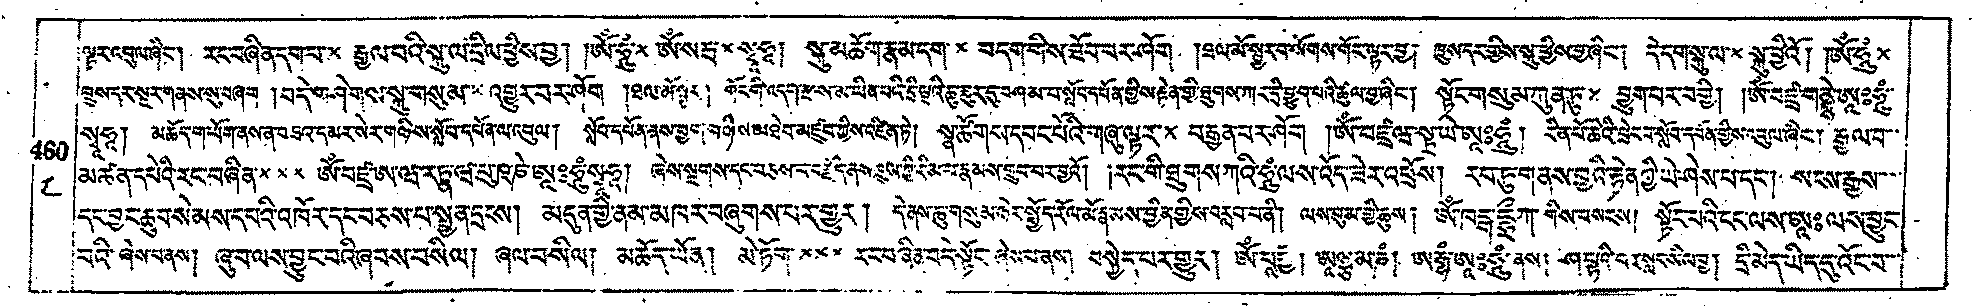ལྟར་འབུལ་ཞིང་། རང་བཞིན་དག་པ་྾་རྒྱལ་བའི་སྐུ་ལ་དྲིལ་ཕྱིས་བྱ། །ཨོཾ་ཧཱུཾ་྾་ཨོཾ་སརྦ་྾་སྭཱཧཱ། སྐུ་མཆོག་རྣམ་དག་྾་བདག་གིས་ཐོབ་པར་ཤོག་།ཐལ་མོ་སྦྱར་བ་སོགས་གོང་ལྟར་བྱ། ཁྲུས་དར་གྱིས་སྐུ་ཕྱིས་བྱ་ཞིང་།  དེ་དག་སྐུ་ལ་྾་སྐུ་ཕྱིའོ། །ཨོཾ་ཧཱུཾ་྾་
ཁྲུས་དར་སྔར་གནས་སུ་བཞག་།བདེ་གཤེགས་སྐུ་གསུམ་྾་འགྱུར་བར་ཤོག་།ཐལ་མོ་སྦྱར། གོང་གི་འདག་རྫས་མ་ཡིན་པའི་དྲི་ལྔའི་ཆུ་ཟུར་དུ་བཤམ་པ་སློབ་དཔོན་གྱིས་རྟེན་གྱི་ཐུགས་ཀར་དྲི་བྱུག་པའི་ཚུལ་བྱ་ཞིང་།  སྟོང་གསུམ་ཀུན་ཏུ་྾་བྱུག་པར་བགྱི། །ཨོཾ་བཛྲ་གནྡྷེ་ཨཱཿཧཱུཾ་་་
སྭཱཧཱ། མཆོད་གཡོག་ནས་ན་བཟའ་དམར་སེར་གཉིས་སློབ་དཔོན་ལ་འབུལ། སློབ་དཔོན་ནས་ཕྱག་གཉིས་མཐེབ་མཛུབ་ཀྱིས་འཛིན་ཏེ།  སྣ་ཚོགས་དབང་པོའི་གཞུ་ལྟར་྾་བརྒྱན་པར་ཤོག །ཨོཾ་བཛྲ་ཝ་སྟྲ་ཡེ་ཨཱཿ ཧཱུཾ། རིན་པོ་ཆེའི་ཕྲེང་བ་སློབ་དཔོན་གྱིས་འབུལ་ཞིང་།  རྒྱལ་བ་
མཚན་དཔེའི་རང་བཞིན་྾་྾་྾་ཨོཾ་བཛྲ་ཨ་ཝ་རཏྣ་ཝ་པུ་ཥ་ཎེ་ཨཱཿ ཧཱུཾ་སྭཱཧཱ། ཞེས་སྔགས་དང་བཅས་པ་བརྗོད་ནས་ཁྲུས་ཀྱི་རིམ་པ་རྣམས་གྲུབ་པར་བྱའོ།  །རང་གི་ཐུགས་ཀའི་ཧཱུཾ་ལས་འོད་ཟེར་འཕྲོས། རབ་ཏུ་གནས་བྱའི་རྟེན་གྱི་ཡེ་ཤེས་པ་དང་། སངས་རྒྱས་
དང་བྱང་ཆུབ་སེམས་དཔའི་འཁོར་དང་བཅས་པ་སྤྱན་དྲངས། མདུན་གྱི་ནམ་མཁར་བཞུགས་པར་གྱུར། དེ་ནས་ཆུ་གསུམ་ཉེར་སྤྱོད་རོལ་མོ་རྣམས་བྱིན་གྱིས་བརླབ་པ་ནི། ལས་བུམ་གྱི་ཆུས།  ཨོཾ་ཁངྒ་དྷྲྀ་ཀ་གིས་བསངས།  སྟོང་པའི་ངང་ལས་ཨཱཿ ལས་བྱུང་
བའི་ཞེས་པ་ནས།  ཞུ་བ་ལས་བྱུང་བའི་ཞབས་བསིལ། ཞལ་བསིལ། མཆོད་ཡོན། མེ་ཏོག་྾་྾་྾་རང་བཞིན་བདེ་སྟོང་ཞེས་པ་ནས།  བསྐྱེད་པར་གྱུར། ཨོཾ་པཱབྱཾ། ཨཱཉྩ་མ་ཎཾ། ཨརྒྷཾ་ཨཱཿཧཱུཾ་ནས།  ཤཔྟའི་བར་སླང་སིལ་བྱ།  དྲི་མེད་ཡིད་དུ་འོང་བ་